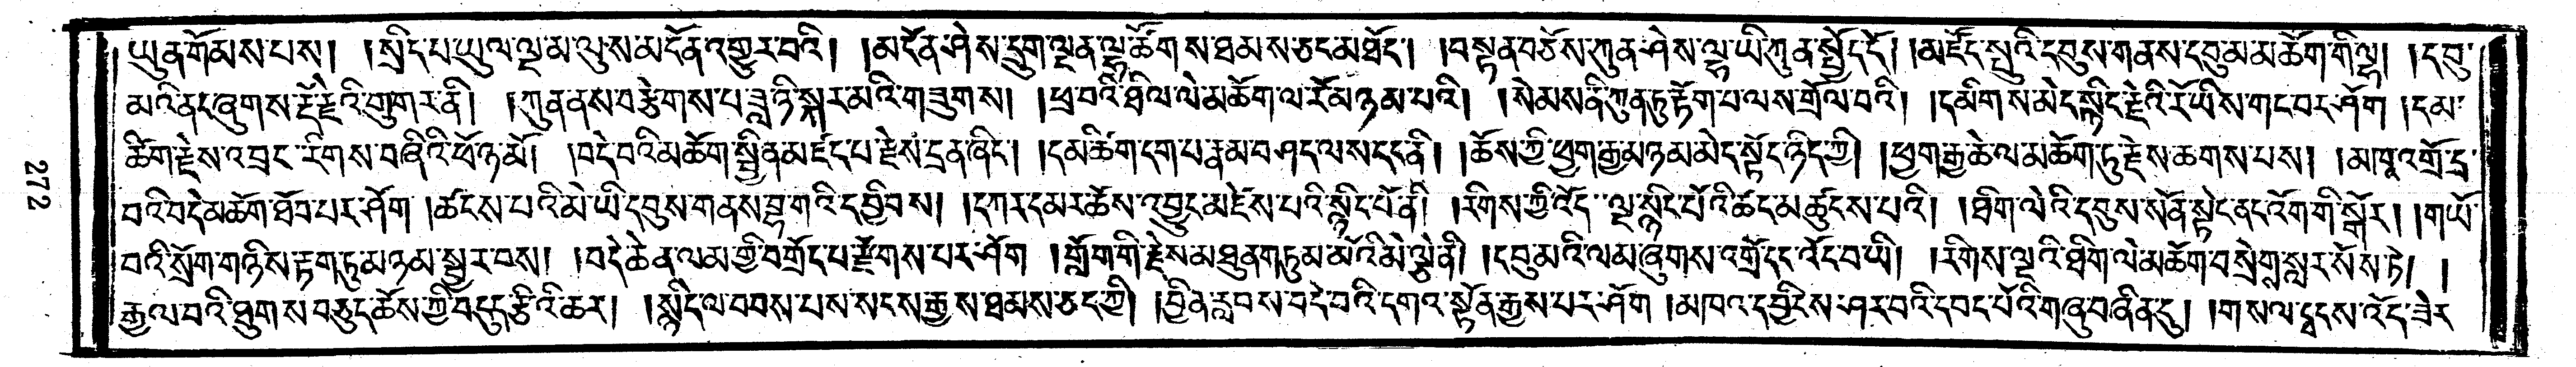ཡུན་གོམས་པས། །སྲིད་པ་ཡུལ་ལྔ་མ་ལུས་མངོན་འགྱུར་བའི། །མངོན་ཤེས་དྲུག་ལྡན་ལྷ་ཚོགས་ཐམས་ཅད་མཐོང་། །བསྟན་བཅོས་ཀུན་ཤེས་ལྷ་ཡི་ཀུན་སྤྱོད་དོ། །མཛོད་སྤུའི་དབུས་གནས་དབུ་མ་མཆོག་གི་ལྷ། །དབུ་
མའི་ནང་ཞུགས་རྡོ་རྗེའི་གུ་གར་ནི། །ཀུན་ནས་བརྩེགས་པ་ཟླ་ཉི་སྐར་མའི་གཟུགས། །ཕྲ་བའི་ཐིལ་ལེ་མཆོག་ལ་རོ་མཉམ་པའི། །སེམས་ནི་ཀུན་ཏུ་རྟོག་པ་ལས་གྲོལ་བའི། །དམིགས་མེད་སྙིང་རྗེའི་རོ་ཡིས་གང་བར་ཤོག །དམ་
ཚིག་རྗེས་འབྲང་རིགས་བཞིའི་ཕོ་ཉ་མོ། །བདེ་བའི་མཆོག་སྦྱིན་མཛད་པ་རྗེས་དྲན་ཞིང་། །དམ་ཚིག་དག་པ་རྣམ་བཤད་ལས་དང་ནི། །ཆོས་ཀྱི་ཕྱག་རྒྱ་མཉམ་མེད་སྟོང་ཉིད་ཀྱི། །ཕྱག་རྒྱ་ཆེ་ལ་མཆོག་ཏུ་རྗེས་ཆགས་པས། །མཁའ་འགྲོ་དྲ་
བའི་བདེ་མཆོག་ཐོབ་པར་ཤོག །ཚངས་པའི་མེ་ཡི་དབུས་གནས་བྷ་གའི་དབྱིབས། །དཀར་དམར་ཆོས་འབྱུང་མཛེས་པའི་སྙིང་པོ་ནི། །རིགས་ཀྱི་འོད་ལྔ་སྙིང་པོའི་ཚད་མཚུངས་པའི། །ཐིག་ལེའི་དབུས་སོན་སྟེང་ནང་འོག་གི་སྒོར། །གཡོ་
བའི་སྲོག་གཉིས་རྟག་ཏུ་མཉམ་སྦྱར་བས། །བདེ་ཆེན་ལམ་གྱི་བགྲོད་པ་རྫོགས་པར་ཤོག །གློག་གི་རྗེས་མཐུན་གཏུམ་མོའི་མེ་ལྕེ་ནི། །དབུ་མའི་ལམ་ཞུགས་འགྲོ་དང་འོང་བ་ཡི། །རིགས་ལྔའི་ཐིག་ལེ་མཆོག་བསྲེགས་སླར་སོས་ཏེ། །
རྒྱལ་བའི་ཐུགས་བཅུད་ཆོས་ཀྱི་བདུད་རྩིའི་ཆར། །སྙིད་ལ་བབས་པས་སངས་རྒྱས་ཐམས་ཅད་ཀྱི། །བྱིན་རླབས་བདེ་བའི་དགའ་སྟོན་རྒྱས་པར་ཤོག །མཁའ་དབྱིངས་ཤར་བའི་དབང་པོའི་གཞུ་བཞིན་དུ། །གསལ་དྭངས་འོད་ཟེར་